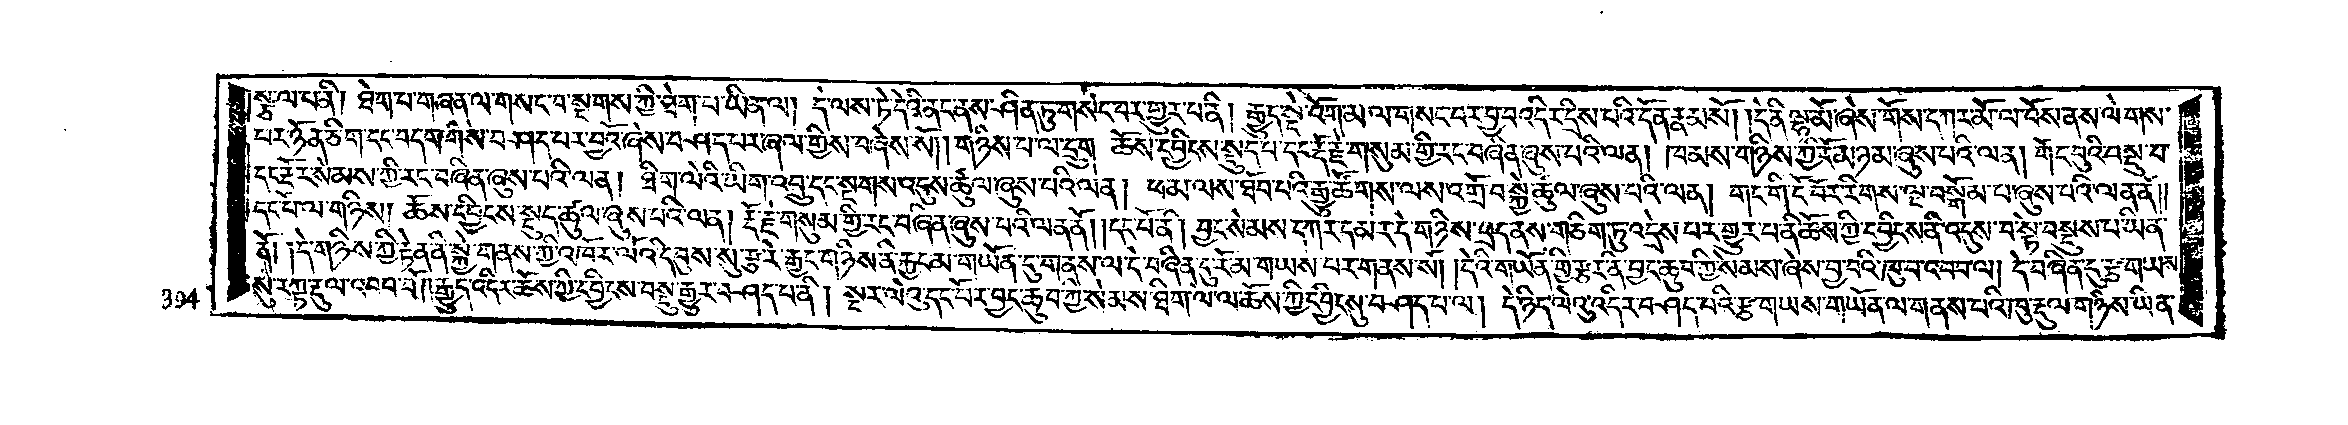སྩལ་པ་ནི། ཐེག་པ་གཞན་ལ་གསང་བ་སྔགས་ཀྱི་ཐེག་པ་ཡིན་ལ། དེ་ལས་ཏེ་དེའི་ནང་ནས་ཤིན་ཏུ་གསང་བར་གྱུར་པ་ནི། རྒྱུད་སྡེ་འོག་མ་ལ་གསང་བར་བྱ་བ་འདིར་དྲིས་པའི་དོན་རྣམས་སོ། །དེ་ནི་ལྷ་མོ་ཞེས་གོས་དཀར་མོ་ལ་བོས་ནས་ལེགས་
པར་ཉོན་ཅིག་དང་བདག་གིས་བཤད་པར་བྱའོ་ཞེས་བཤད་པར་ཞལ་གྱིས་བཞེས་སོ། །གཉིས་པ་ལ་དྲུག །ཆོས་དབྱིངས་སྡུད་པ་དང་རྡོ་རྗེ་གསུམ་གྱི་རང་བཞིན་ཞུས་པའི་ལན། ཁམས་གཉིས་ཀྱི་རོ་མཉམ་ཞུས་པའི་ལན། གོང་བུའི་བསྡུ་བ་
དང་རྡོར་སེམས་ཀྱི་རང་བཞིན་ཞུས་པའི་ལན། ཐིག་ལེའི་ཡིག་འབྲུ་དང་སྔགས་འདུས་ཚུལ་ཞུས་པའི་ལན། ཕ་མ་ལས་ཐོབ་པའི་རྒྱུ་ཚོགས་ལས་འགྲོ་བ་སྐྱེ་ཚུལ་ཞུས་པའི་ལན། གང་གི་ངོ་བོར་རིགས་ལྔ་བསྒོམ་པ་ཞུས་པའི་ལན་ནོ། །
དང་པོ་ལ་གཉིས། ཆོས་དབྱིངས་སྡུད་ཚུལ་ཞུས་པའི་ལན། རྡོ་རྗེ་གསུམ་གྱི་རང་བཞིན་ཞུས་པའི་ལན་ནོ། །དང་པོ་ནི། བྱང་སེམས་དཀར་དམར་དེ་གཉིས་ཕྲད་ནས་གཅིག་ཏུ་འདྲེས་པར་གྱུར་པ་ནི་ཆོས་ཀྱི་དབྱིངས་ནི་འདུས་བ་སྟེ་བསྡུས་པ་ཡིན་
ནོ། །དེ་གཉིས་ཀྱི་རྟེན་ནི་སྐྱེ་གནས་ཀྱི་འཁོར་ལོའི་དབུས་སུ་རྩ་རོ་རྐྱང་གཉིས་ནི་རྐྱང་མ་གཡོན་དུ་གནས་ལ་དེ་བཞིན་དུ་རོ་མ་གཡས་པར་གནས་སོ། །དེའི་གཡོན་གྱི་རྩར་ནི་བྱང་ཆུབ་ཀྱི་སེམས་ཞེས་བྱ་བའི་ཁུ་བ་འབབ་ལ། དེ་བཞིན་དུ་རྩ་གཡས་
སུ་རཀྟ་རྡུལ་འབབ་བོ། །རྒྱུད་འདིར་ཆོས་ཀྱི་དབྱིངས་བསྡུ་རྒྱུར་བཤད་པ་ནི། སྔར་ལེའུ་དང་པོར་བྱང་ཆུབ་ཀྱི་སེམས་ཐིག་ལེ་ལ་ཆོས་ཀྱི་དབྱིངས་སུ་བཤད་པ་ལ། དེ་ཉིད་ལེའུ་འདིར་བཤད་པའི་རྩ་གཡས་གཡོན་ལ་གནས་པའི་ཁུ་རྡུལ་གཉིས་ཡིན་